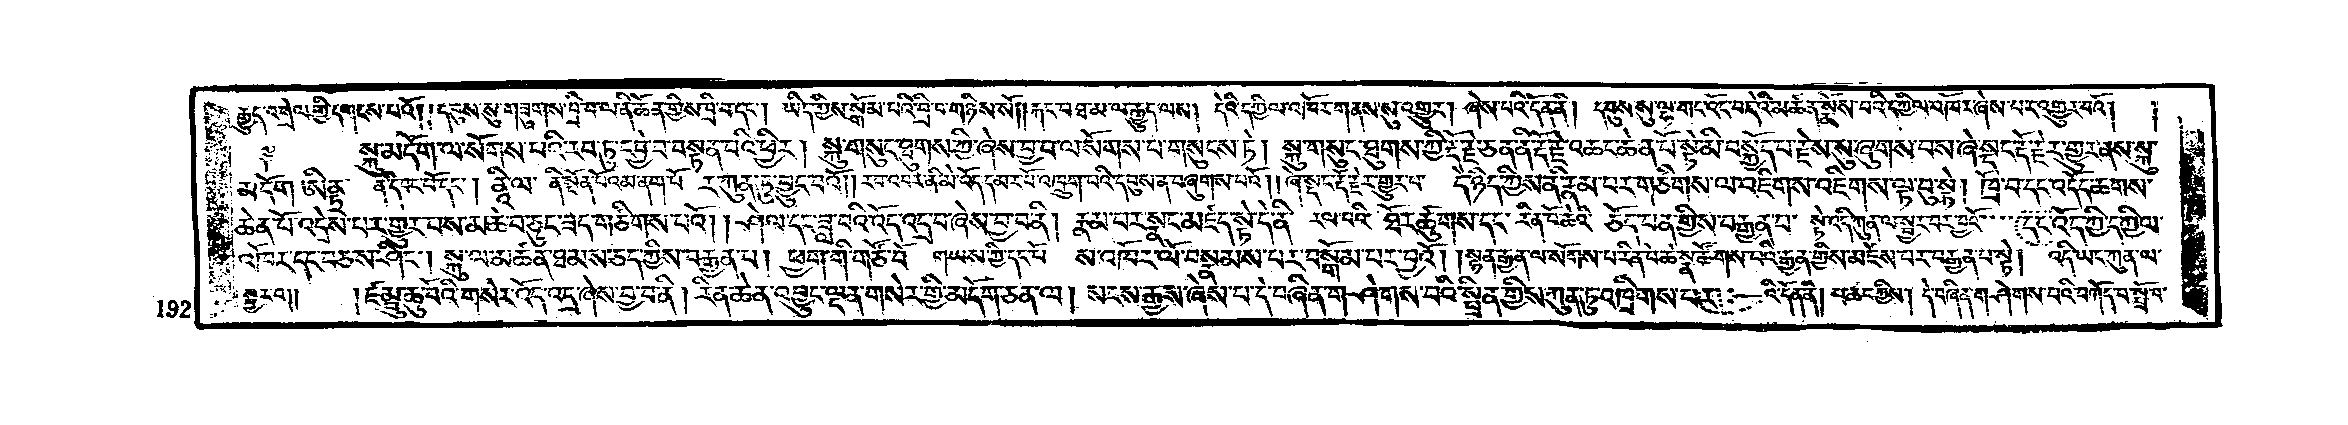རྒྱུད་འགྲེལ་གྱི་དགོངས་པའོ། །དབུས་སུ་གཟུགས་བྲི་བ་ལ་ནི་ཚོན་གྱིས་བྲི་བ་དང་། ཡིད་ཀྱིས་སྒོམ་པའི་བྲི་བ་གཉིས་སོ། །རྐང་པ་ཐ་མ་ལ་རྒྱུད་ལས། དེའི་དཀྱིལ་འཁོར་གནས་སུ་འགྱུར། ཞེས་པའི་དོན་ནི། དབུས་སུ་ལྷ་གང་འོང་བ་དེའི་མཚན་སྨོས་པའི་དཀྱིལ་འཁོར་ཞེས་པར་འགྱུར་བའོ། །
༈ སྐུ་མདོག་ལ་སོགས་པའི་རབ་ཏུ་དབྱེ་བ་བསྟན་པའི་ཕྱིར། སྐུ་གསུང་ཐུགས་ཀྱི་ཞེས་བྱ་བ་ལ་སོགས་པ་གསུངས་ཏེ། སྐུ་གསུང་ཐུགས་ཀྱི་རྡོ་རྗེ་ཅན་ནི་རྡོ་རྗེ་འཆང་ཆེན་པོ་སྟེ་མི་བསྐྱོད་པ་རྗེས་སུ་ཞུགས་པས་ཞེས་སྡང་རྡོ་རྗེར་གྱུར་ནས་སྐུ་
མདོག་ཨིནྟྲ་ནི་དབང་པོ་དང་། ནཱི་ལ་ནི་སྔོན་པོའམ་ནག་པོ་ར་ཀུན་ཏུ་བྱུང་བའོ། ། རབ་འབར་ནི་མེ་འོད་དམར་པོ་འཁྲུག་པའི་དབུས་ན་བཞུགས་པའོ། །ཞེ་སྡང་རྡོ་རྗེར་གྱུར་པ་དེ་ཉིད་ཀྱིས་ནི་རྣམ་པར་གཙིགས་ལ་འཇིགས་འཇིགས་ལྟ་བུ་སྟེ། ཁྲོ་བ་དང་འདོད་ཆགས་
ཆེན་པོ་འདྲེས་པར་གྱུར་པས་མཆེ་བ་ཅུང་ཟད་གཙིགས་པའོ། །ཤེལ་དང་ཟླ་བའི་འོད་འདྲ་བ་ཞེས་བྱ་བ་ནི། རྣམ་པར་སྣང་མཛད་སྟེ་དེ་ནི་རལ་པའི་ཐོར་ཚུགས་དང་རིན་པོ་ཆེའི་ཅོད་པན་གྱིས་བརྒྱན་པ་སྟེ་འདི་ཀུན་ལ་སྦྱར་བར་བྱའོ་དང་འོད་ཀྱི་དཀྱིལ་
འཁོར་དང་བཅས་ཤིང་། སྐུ་ལ་མཚན་ཐམས་ཅད་ཀྱིས་བརྒྱན་པ། ཕྱག་གི་གཙོ་བོ་གཡས་ཀྱི་དང་པོ་ས་འཁོར་ལོ་བསྣམས་པར་བསྒོམ་པར་བྱའོ། །སྙན་རྒྱན་ལ་སོགས་པ་རིན་པོ་ཆེ་སྣ་ཚོགས་པའི་རྒྱན་གྱིས་མཛེས་པར་བརྒྱན་པ་སྟེ། འདི་ཡང་ཀུན་ལ་
སྦྱར་རོ།། །ཛམྦུ་ཆུ་བོའི་གསེར་འོད་འདྲ་ཞེས་བྱ་བ་ནི། རིན་ཆེན་འབྱུང་ལྡན་གསེར་གྱི་མདོག་ཅན་ལ། སངས་རྒྱས་ཞེས་པ་དེ་བཞིན་གཤེགས་པའི་སྤྲིན་གྱིས་ཀུན་ཏུ་འཁྲིགས་པར་འི་དོན་ནི། པ་ཚབ་ཀྱིས། དེ་བཞིན་གཤེགས་པའི་བཀོད་པ་སྤྲོ་བ